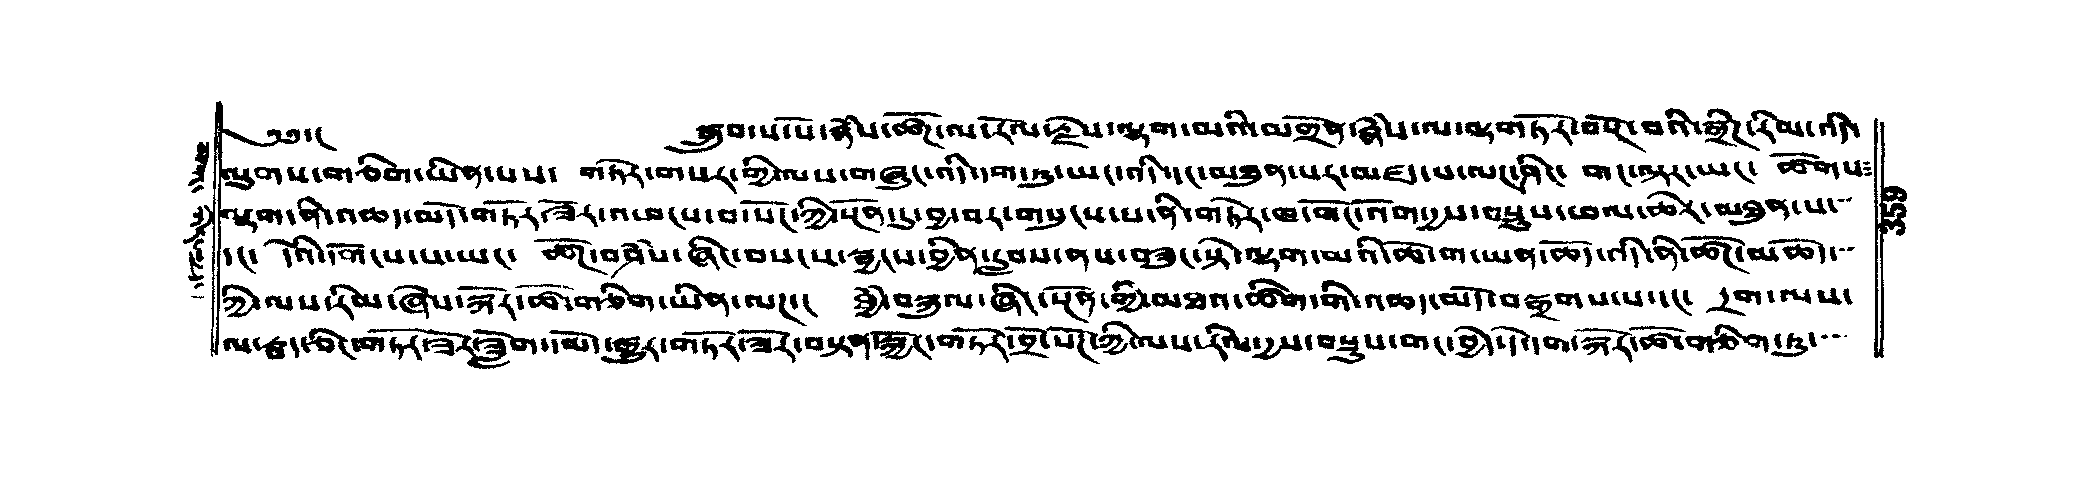སྒྲུབ་པ་པོ་རྣམས་ཚོགས་ལ་རོལ་རྗེས་ལྷག་མའི་མགྲོན་རྣམས་ལ་ལྷག་གཏོར་བསྔོ་བའི་སྒྲིག་རིམ་འདི་
ལུགས་གཅིག་ཡིན་པས། གཏོར་གསར་གྱི་ལས་གཞུང་འདི་དག་ཏུ་ཡང་འདི་དག་ཏུ་ཡང་འདི་དང་མཐུན་པར་མཛད་པ་ལགས་ཤིང་། གང་ལྟར་ཡང་། ཚོགས་
ལྷག་ནི་འཆད་མདོ་གཏོར་ཟོར་འཕངས་པ་སོགས་ཀྱི་སྔོན་དུ་བྱ་བར་གསུངས་པ་ནི་གཏེར་ཁ་གོང་འོག་རྒྱས་བསྡུས་ཕལ་ཆེར་མཐུན་པ་
དང་།དེའི་དགོངས་པ་ཡང་། ཚོགས་བཤམསཤིང་བསངས་སྦྱངས་བྱིན་རླབས་ནས་བཟུང་སྟེ་ལྷག་མའི་ཆོ་ག་ཡན་ཆོད་འདི་ནི་ཚོགས་མཆོད་
ཀྱི་ལས་རིམ་ཞེས་སྐོར་ཚོ་གཅིག་ཡིན་ལགས། ཐུགས་དམ་བསྐུལ་ཞིང་སྔོན་གྱི་མཐའ་ཚིག་གི་འཆད་མདོ་བསྒྲགས་པ་དང་། དྲག་ལས་
ལ་རྦད་ཅིང་གཏོར་ཟོར་ཟློག་མདོ་སྒྱུར་གཏོར་ཟོར་བསྟན་སྐྱོང་གཏོར་བྲོ་སོགས་ཀྱི་ལས་རིམ་རྒྱས་བསྡུས་གང་བྱེད་དེ་དག་སྐོར་ཚོ་གཅིག་ཏུ་